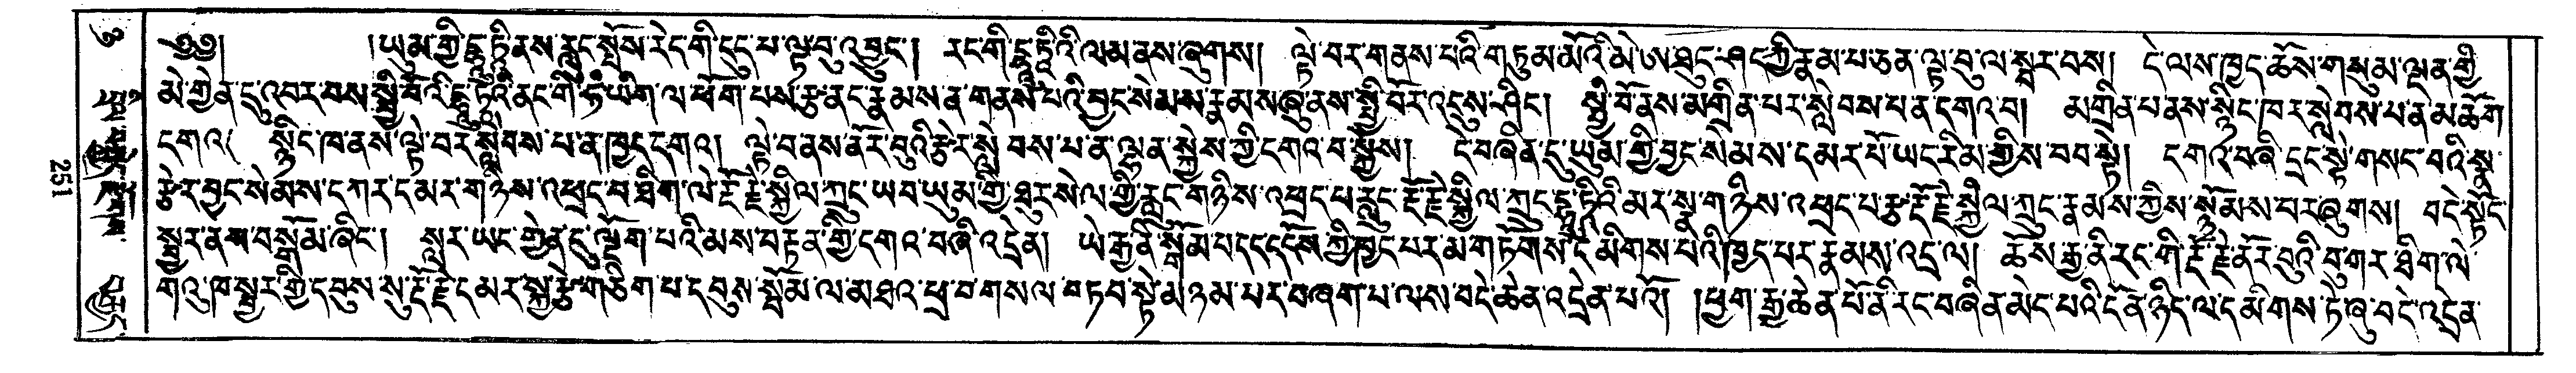༄༅། །ཡུམ་གྱི་དྷཱུ་ཏཱི་ནས་རླུང་སྤོས་རང་གི་དུད་པ་ལྟ་བུ་འབྱུང་། རང་གི་དྷཱུ་ཏཱིའི་ལམ་ནས་ཞུགས། ལྟེ་བར་གནས་པའི་གཏུམ་མོའི་མེ་ཨ་ཐུང་ཤད་ཀྱི་རྣམ་པ་ཅན་ལྟ་བུ་ལ་སྦར་བས། དེ་ལས་ཁྱད་ཆོས་གསུམ་ལྡན་གྱི་
མེ་གྱེན་དུ་འབར་བས་སྤྱི་བོའི་དྷཱུ་ཏཱིའི་ནང་གི་ཧཾ་ཡིག་ལ་ཕོག་པས་རྩ་ནང་རྣམས་ན་གནས་པའི་བྱང་སེམས་རྣམས་ཞུ་ནས་སྤྱི་བོར་འདུས་ཤིང་། སྤྱི་བོ་ནས་མགྲིན་པར་སླེབས་པ་ན་དགའ་བ། མགྲིན་པ་ནས་སྙིང་ཁར་སླེབས་པ་ན་མཆོག་
དགའ༑ སྙིང་ཁ་ནས་ལྟེ་བར་སླེབས་པ་ན་ཁྱད་དགའ། ལྟེ་བ་ནས་ནོར་བུའི་རྩེར་སླེབས་པ་ན་ལྷན་སྐྱེས་ཀྱི་དགའ་བ་སྐྱེས། དེ་བཞིན་དུ་ཡུམ་གྱི་བྱང་སེམས་དམར་པོ་ཡང་རིམ་གྱིས་བབ་སྟེ། དགའ་བཞི་དྲང་སྟེ་གསང་བའི་སྣ་
རྩེར་བྱང་སེམས་དཀར་དམར་གཉིས་འཕྲད་པ་ཐིག་ལེ་རྡོ་རྗེ་སྐྱིལ་ཀྲུང་ཡབ་ཡུམ་གྱི་ཐུར་སེལ་གྱི་རླུང་གཉིས་འཕྲད་པ་རླུང་རྡོ་རྗེ་སྐྱིལ་ཀྲུང་དྷཱུ་ཏཱིའི་མར་སྣ་གཉིས་འཕྲད་པ་རྩ་རྡོ་རྗེ་སྐྱིལ་ཀྲུང་རྣམས་ཀྱིས་སྙོམས་པར་ཞུགས། བདེ་སྟོང་
སྦྱར་ནས་བསྒོམ་ཞིང་། སླར་ཡང་གྱེན་དུ་ལྡོག་པའི་མས་བརྟན་གྱི་དགའ་བཞི་འདྲན། ཡེ་རྒྱ་ནི་སྒོམ་བ་དང་དངོས་ཀྱི་ཁྱད་པར་མ་གཏོགས་དམིགས་པའི་ཁྱད་པར་རྣམས་འདྲ་ལ། ཆོས་རྒྱ་ནི་རང་གི་རྡོ་རྗེ་ནོར་བུའི་བུ་གར་ཐིག་ལེ་
གའུ་ཁ་སྦྱར་གྱི་དབུས་སུ་རྡོ་རྗེ་དམར་སྐྱ་རྩེ་གཅིག་པ་དབུས་སྦོམ་ལ་མཐའ་ཕྲ་བ་གསལ་བཏབ་སྟེ་མཉམ་པར་བཞག་པ་ལས་བདེ་ཆེན་འདྲེན་པའོ། །ཕྱག་རྒྱ་ཆེན་པོ་ནི་རང་བཞིན་མེད་པའི་དོན་ཉིད་ལ་དམིགས་ཏེ་ཞུ་བདེ་འདྲེན་